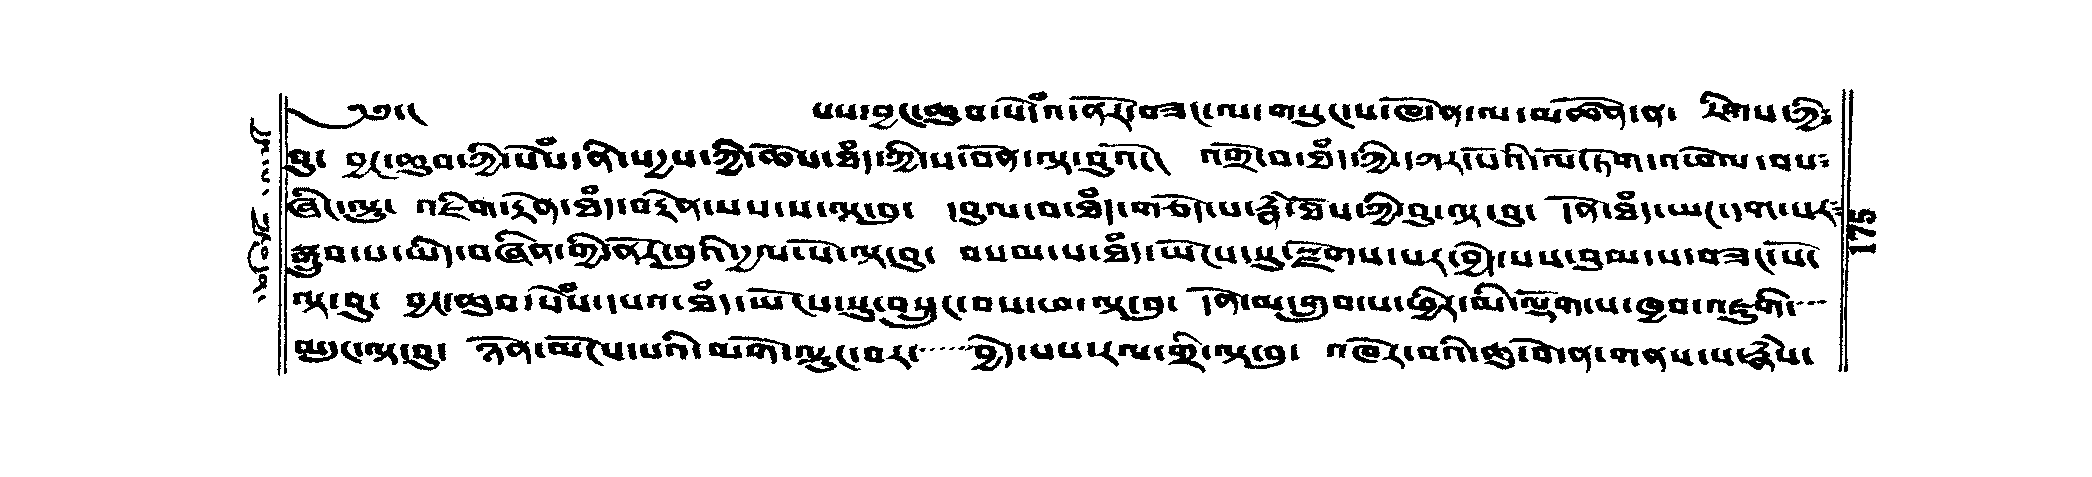པས་བྱང་ཆུབ་སེམས་དཔའ་ནོར་བཟག་ལ་གསུང་པ་ཁོ་ན་ལ་མཚོན་ན། རིགས་ཀྱི་
བུ། བྱང་ཆུབ་ཀྱི་སེམས་ནི་སངས་རྒྱས་ཀྱི་ཆོས་ཐམས་ཅད་ཀྱི་ས་བོན་ལྟ་བུའོ། འགྲོ་བ་ཐམས་ཅད་ཀྱི་དཀར་པོའི་ལོ་ཏོག་འཕེལ་བས་
ཞིང་ལྟ་བུ། འཇིག་རྟེན་ཐམས་ཅད་བརྟེན་པས་ས་ལྟ་བུ། དབུལ་བ་ཐམས་ཅད་གཅོད་པ་རྣམ་ཐོས་ཀྱི་བུ་ལྟ་བུ། དོན་ཐམས་ཅད་ཡང་དག་པར་
སྒྲུབ་པ་ཡིད་བཞིན་གྱི་ནོར་བུའི་རྒྱལ་པོ་ལྟ་བུ། བསམ་པ་ཐམས་ཅད་ཡོངས་སུ་རྫོགས་པར་བྱེད་པས་བུམ་པ་བཟང་པོ་
ལྟ་བུ། བྱང་ཆུབ་སེམས་དཔའ་ཐམས་ཅད་ཡོངས་སུ་བསྲུང་བས་ཕ་ལྟ་བུ། དོན་མ་གྲུབ་པ་ཕྱིར་མི་ལྡོག་པ་ཁྱབ་འཇུག་གི་
མདུང་ལྟ་བུ། ཉོན་མོངས་པའི་མགོ་ལྟུང་བར་བྱེད་པས་རལ་གྲི་ལྟ་བུ། འཁོར་བའི་ཆུ་བེ་ན་གནས་པ་རྣམས་